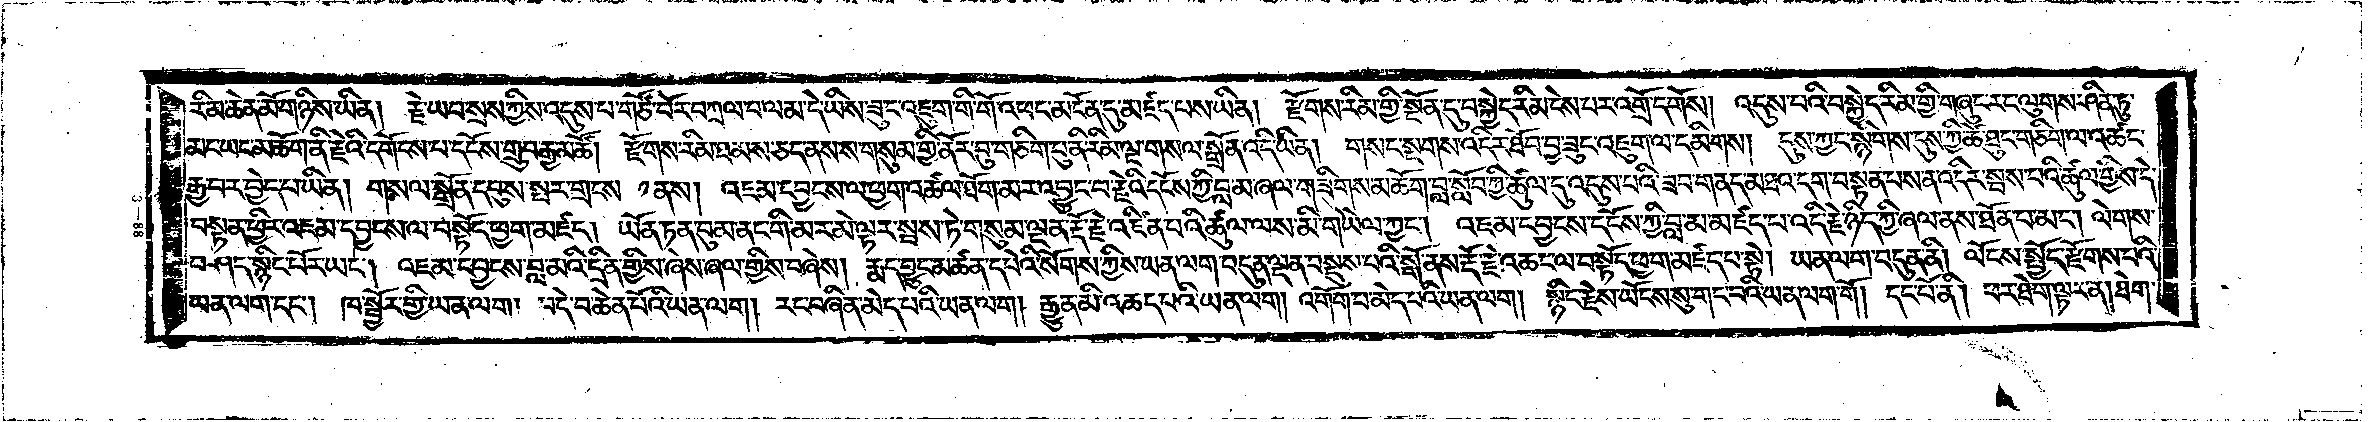རིམ་ཆེན་མོ་གཉིས་ཡིན། རྗེ་ཡབ་སྲས་ཀྱིས་འདུས་པ་གཙོ་བོར་བཀྲལ་བ་ལམ་དེ་ཡིས་ཟུང་འཇུག་གི་གོ་འཕང་མངོན་དུ་མཛད་པས་ཡིན། རྫོགས་རིམ་གྱི་སྔོན་དུ་བསྐྱེད་རིམ་ངེས་པར་འགྲོ་དགོས། འདུས་བའི་བསྐྱེད་རིམ་གྱི་གཞུང་རང་ལུགས་ཤིན་ཏུ་
མང་ཡང་མཆོག་ནི་རྗེའི་དགོངས་པ་དངོས་གྲུབ་རྒྱ་མཚོ། རྫོགས་རིམ་ཐམས་ཅད་ནས་ས་གསུམ་གྱི་ནོར་བུ་གཅིག་པུ་ནི་རིམ་ལྔ་གསལ་སྒྲོན་འདི་ཡིན། གསང་སྔགས་འདིར་ཐོབ་བྱ་ཟུང་འཇུག་ལ་དམིགས། དུས་ཀྱང་སྙིགས་དུས་ཀྱི་ཚེ་ཐུང་གཅིག་ལ་འཚང་
རྒྱ་བར་བྱེད་པ་ཡིན། གསལ་སྒྲོན་དབུས་སྤར་གྲངས ༡ནས། འཇམ་དབྱངས་ལ་ཕྱག་འཚལ་ཐོག་མར་འབྱུང་བ་རྗེའི་དངོས་ཀྱི་བླ་མ་ཞལ་གཟིགས་མཆོག་བླ་སློབ་ཀྱི་ཚུལ་དུ་འདུས་པའི་ཟབ་གནད་མཐའ་དག་བསྟན་པས་ན་འདིར་སྦས་པའི་ཚུལ་གྱིས་དེ་མཐའ་དག་བསྟན་པས་ན་འདིར་སྦས་པའི་ཚུལ་གྱིས་དེ་བསྟན་
བསྟན་ཕྱིར་འཇམ་དབྱངས་ལ་བསྟོད་ཕྱག་མཛད། ཡོན་ཏན་བུམ་ནང་གི་མར་མེ་ལྟར་སྦས་ཏེ་གསུམ་ལྡན་རྡོ་རྗེ་འཛིན་པའི་ཚུལ་ལས་མི་གཡེལ་ཀྱང་། འཇམ་དབྱངས་དངོས་ཀྱི་བླ་མ་མཛད་པ་འདི་རྗེ་ཉིད་ཀྱི་ཞལ་ནས་ཐོན་པ་མང་། ལེགས་
བཤད་སྙིང་པོར་ཡང་། འཇམ་དབྱངས་བླ་མའི་དྲིན་གྱིས་ཞེས་ཞལ་གྱིས་བཞེས། རྨད་བྱུང་མཚན་དཔེའི་སོགས་ཀྱིས་ཡན་ལག་བདུན་ལྡན་བསྡུས་པའི་སྒོ་ནས་རྡོ་རྗེ་འཆང་ལ་བསྟོད་ཕྱག་མཛད་པ་སྟེ། ཡན་ལག་བདུན་ནི། ལོངས་སྤྱོད་རྫོགས་པའི་
ཡན་ལག་དང་། ཁ་སྦྱོར་གྱི་ཡན་ལག། བདེ་བ་ཆེན་པོའི་ཡན་ལག། རང་བཞིན་མེད་པའི་ཡན་ལག། རྒྱུན་མི་འཆད་པའི་ཡན་ལག། འགོག་པ་མེད་པའི་ཡན་ལག། སྙིང་རྗེས་ཡོངས་སུ་གང་བའི་ཡན་ལག་གོ། དང་པོ་ནི། ཕར་ཐེག་ལྟར་ན། ཐེག་